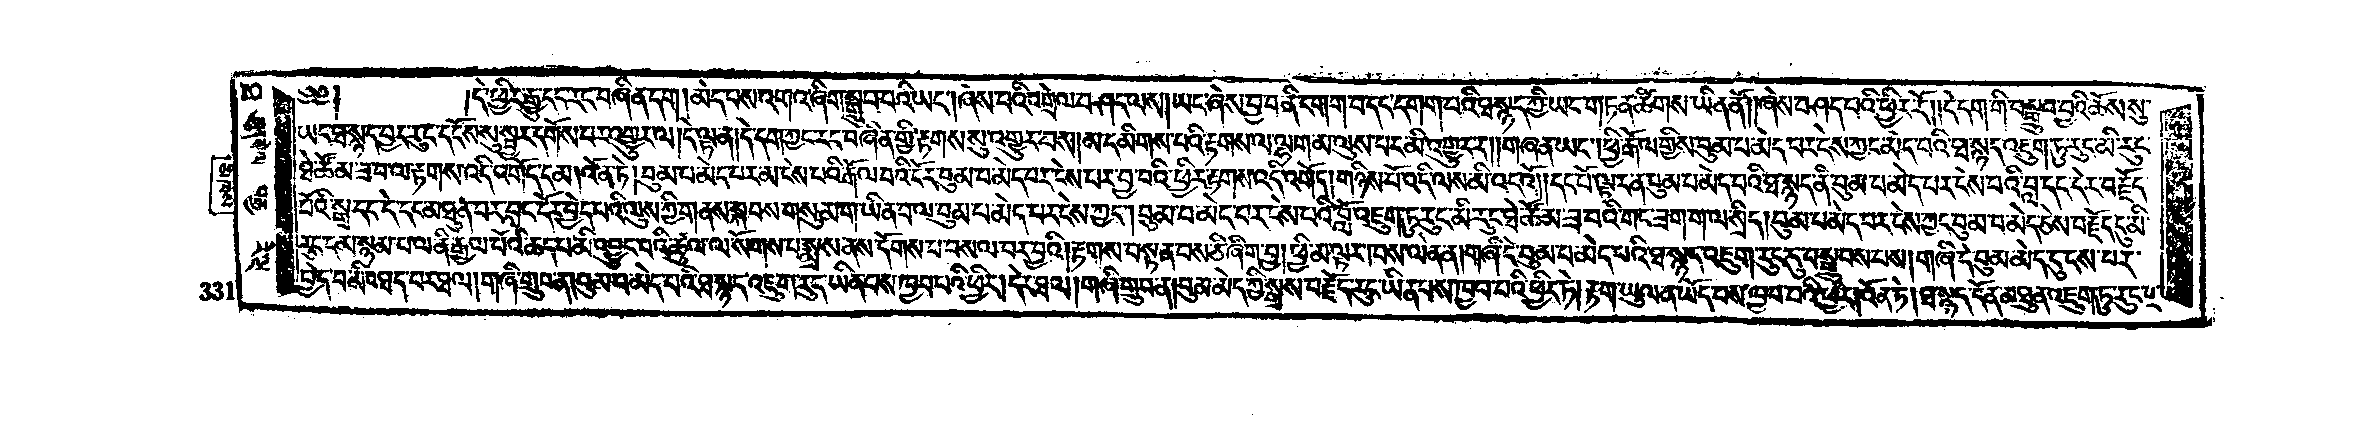༄༅། །དེ་ཕྱིར་རྒྱུ་དང་རང་བཞིན་དག ། མེད་པས་འགའ་ཞིག་སྒྲུབ་པའི་ཡང་། ཞེས་པའི་འགྲེལ་བཤད་ལས། ཡང་ཞེས་བྱ་བ་ནི་དགག་པ་དང་དགག་པའི་ཐ་སྙད་ཀྱི་ཡང་གཏན་ཚིགས་ཡིན་ནོ། །ཞེས་བཤད་པའི་ཕྱིར་རོ། །དེ་དག་གི་བསྒྲུབ་བྱའི་ཆོས་སུ་
ཡང་ཐ་སྙད་བྱར་རུང་དངོས་སུ་སྦྱར་དགོས་པར་འགྱུར་ལ། དེ་ལྟ་ན། དེ་དག་ཀྱང་རང་བཞིན་གྱི་རྟགས་སུ་འགྱུར་བས། མ་དམིགས་པའི་རྟགས་ལ་ལྷག་མ་ལུས་པར་མི་འགྱུར་རོ། །གཞན་ཡང་། ཕྱི་རྒོལ་གྱིས་བུམ་པ་མེད་པར་དེས་ཀྱང་མེད་པའི་ཐ་སྙད་འཇུག་ཏུ་རུང་མི་རུང་
ཐེ་ཚོམ་ཟ་བ་ལ་རྟགས་འདི་འགོད་དམ། འོན་ཏེ། བུམ་པ་མེད་པར་མ་ངེས་པའི་རྒོལ་བའི་ངོར་བུམ་པ་མེད་པར་ངེས་པར་བྱ་བའི་ཕྱིར་རྟགས་འདི་འགོད། གཉིས་པོ་འདི་ལས་མི་འདའོ། དང་པོ་ལྟར་ན་བུམ་པ་མེད་པའི་ཐ་སྙད་ནི་བུམ་པ་མེད་པར་ངེས་པའི་བློ་དང་དེར་བརྗོད་
པོའི་སྒྲ་དང་དེ་དང་མཐུན་པར་བླང་དོར་བྱེད་པའི་ལུས་ཀྱི་གནས་སྐབས་གསུམ་ག་ཡིན་པ་ལ་བུམ་པ་མེད་པར་ངེས་ཀྱང་། བུམ་པ་མེད་པར་ངེས་པའི་བློ་འཇུག་ཏུ་རུང་མི་རུང་ཐེ་ཚོམ་ཟ་བའི་གང་ཟག་ག་ལ་སྲིད་།བུམ་པ་མེད་པར་ངེས་ཀྱང་བུམ་པ་མེད་ཅེས་བརྗོད་དུ་མི་
རུང་དམ་སྙམ་པ་ལ་ནི་རྒྱལ་པོའི་ཆད་པ་མི་འབྱུང་བའི་ཚུལ་ལ་སོགས་པ་སྨྲས་ནས་དོགས་པ་བསལ་བར་བྱའི། རྟགས་བསྟན་པས་ཅི་ཞིག་བྱ། ཕྱི་མ་ལྟར་ཁས་ལེན་ན། གཞི་དེ་བུམ་པ་མེད་པའི་ཐ་སྙད་འཇུག་རུང་དུ་བསྒྲུབས་པས། གཞི་དེ་བུམ་མེད་དུ་ངེས་པར་
བྱེད་པ་མི་འཐད་པར་ཐལ། གཞི་གྲུབ་ན། བུམ་པ་མེད་པའི་ཐ་སྙད་འཇུག་རུང་ཡིན་པས་ཁྱབ་པའི་ཕྱིར། དེར་ཐལ། གཞི་གྲུབ་ན། བུམ་མེད་ཀྱི་སྒྲས་བརྗོད་རུང་ཡིན་པས་ཁྱབ་པའི་ཕྱིར་ཏེ། རྟག་ཡུལ་ན་ཡོད་པས་ཁྱབ་པའི་ཕྱིར། འོན་ཏེ། ཐ་སྙད་དོན་མཐུན་འཇུག་ཏུ་རུང་བ་